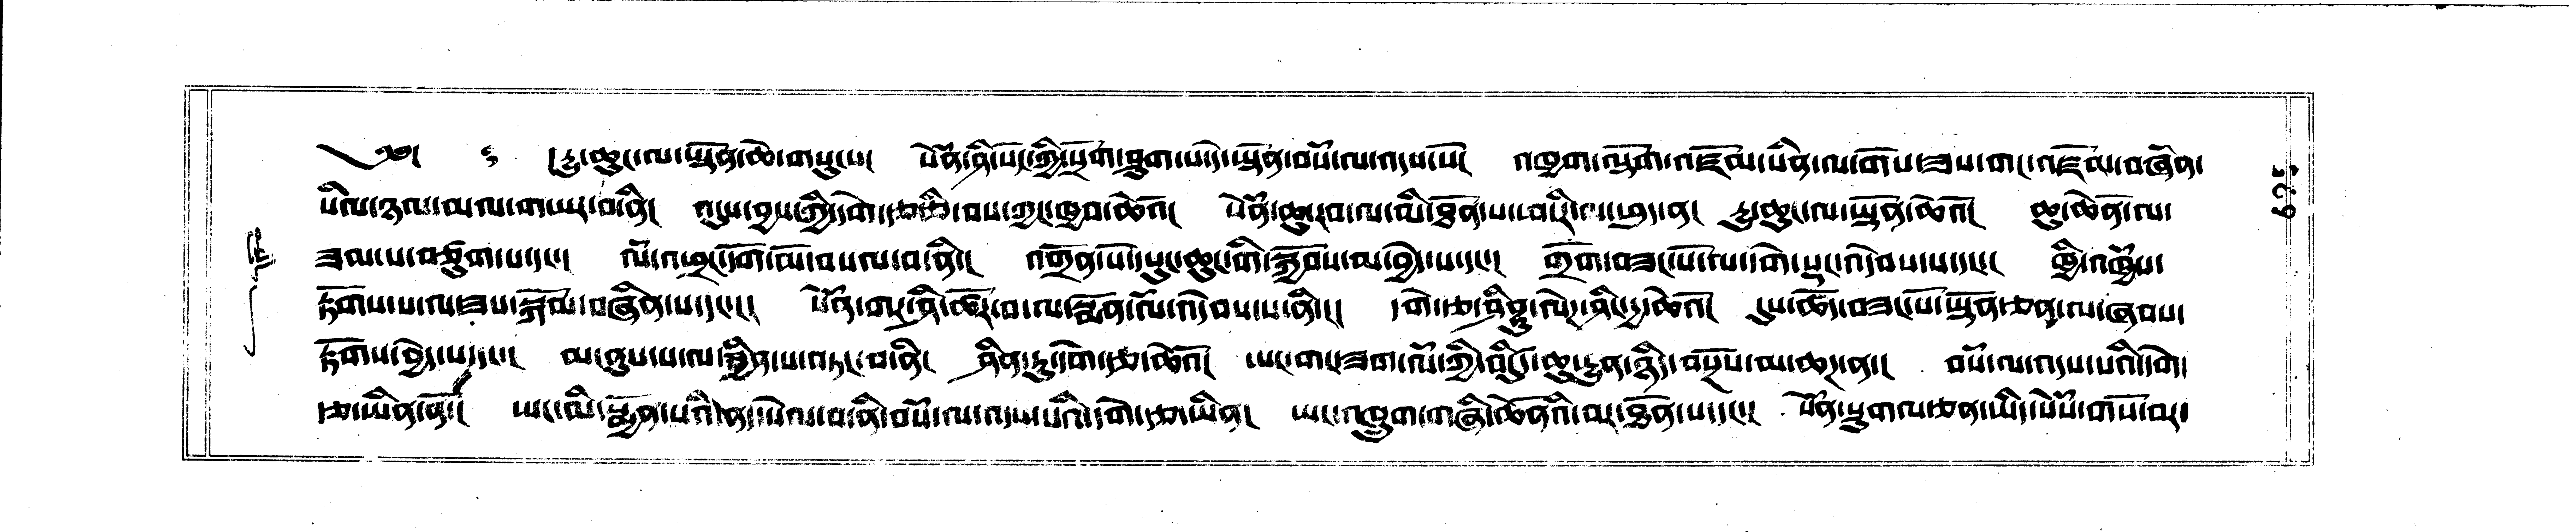རྒྱུ་ཆུང་ལ་ཡོན་ཏན་ཆེ་གསུངས། སེམས་ཅན་ཤི་སོང་ཀྱི་སྲོག་ཤུག་པ་དེ་ཡོན་ཏན་བསམ་ལ་འདས་སོ། འཁྱག་ལྟོག་འཛོམ་སིན་ལ་གོས་ཟས་གང་འཛོམ་བཞིན་
སིལ་ཉལ་མལ་གཡར་བ་ནི། འདུས་བྱས་ཀྱི་དགེ་རྩ་ཅི་བས་ཀྱང་ཁྱབ་ཆེའོ། སེམས་ཅན་ཆུ་རབ་ལ་མི་ཐོན་པ་ཕ་རི་ལ་ཕུད་ན། རྒྱུ་ཆུང་ལ་ཡོན་ཏན་ཆེའོ། ཆུ་ཆེན་པོ་ལ་
ཟམ་པ་བཙུག་པ་དང་། ལམ་འཕྲང་དོག་མོ་བསལ་བ་ནི།༽མགྲོན་པོ་དཔུང་ཆུང་གིས་སྐྱེལ་མ་བྱེད་པ་དང་། གྲོགས་བཟང་པོ་ལ་དགེ་སྡོང་འདེབས་པ་དང། ཁྱི་འཁྱམས་
ལྟོགས་པ་ལ་ཟས་སྐོམ་བཞིན་པ་དང་། སེམས་ཅན་གང་ཤི་ཚོར་བ་ལ་སྨོན་ལམ་འདེབས་པ་དེ་ནི་དགེ་རྩ་ཤིན་ཏུ་རྒྱ་ཆེའོ།། །དུས་ཚོད་བཟང་པོ་ལ་ཡོན་ཏན་ཅན་ལ་ཞབས་
ལྟོགས་༼ཏོག༽བྱེད་པ་དང་། མ་ནུས་པ་ལ་སྦྱིན་པ་གཏོང་པ་ཤིན་ཏུ་རྒྱ་ཆེའོ།། ཡང་གང་ཟག་ལམ་པ་བ་རྣམས་ཀྱི་བདུད་རྩི་ཆུ་རྒྱུན་གྱིས་མཆོད་པ། ཉིན་བསྔོ་གཅིག་མ་ཆགས་ན་བསམ་ལ་འདས་པའི་
ཡང་མི་བསྙོན་པའི་ནད་སོས་པ་དེ་ནི་དགེ་ཙ་བསམ་ལ་༼ལས༽འདས།། ཡང་འཁྲུག་ཞི་”གཞི”ཆེན་པོའི་བར་ཐོན་པ་དེ་ནི་དགེ་རྩ་བསམ་ལ་༼ལས༽འདས། ཡང་སེམས་ཅན་སྡུག་བསྔལ་ཅན་གྱི་སེམས་གསོའོ་བ་